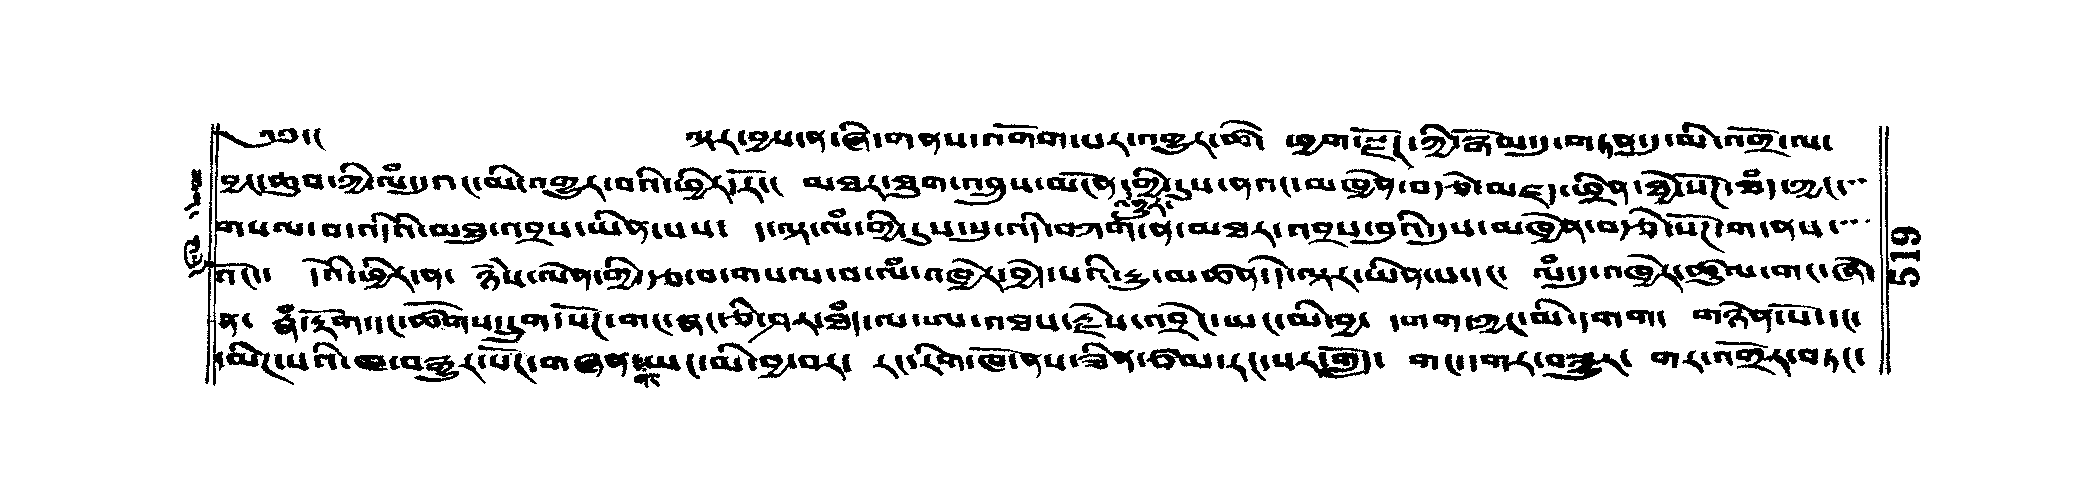ལྟར་བྱས་ན་ཞི་གནས་འགོག་པར་འགྱུར་ཚེ། ཕྱག་རྫོགས་ཀྱི་སྒོམ་དུ་གཏན་དུ་མི་འགྲོ་ལ་
བྱང་ཆུབ་ཀྱི་ལམ་དུའང་མི་འགྱུར་བའི་ཕྱིར་རོ། མཐར་ཐུག་འབྲས་བུ་མངོན་འགྱུར་གྱི་དུས་ནའང་མཁྱེན་བརྩེ་མཛད་ཕྲིན་ཐུགས་རྗེ་སོགས་ཐམས་ཅད་ཀྱང་
གསལ་བ་འདིའི་མཐུ་འབྲས་ཡིན་པས། ད་ལྟ་ལམ་གྱི་དུས་སུ་འདི་བཀག་ན་མཐར་འབྲས་བུའི་དུས་མཁྱེན་བརྩེ་སོགས་ག་ནས་
འོང་། དེའི་ཕྱིར་ན། ཉམས་ལེན་གྱི་རྩ་བ་གསལ་བ་ལམ་འཁྱེར་བྱེད་པའི་རྒྱུ་མཚན་དེ་ལྟར་ཡིན་པ་དང་། ལམ་དུ་འཁྱེར་ཚུལ་གང་ཞེ་
ན། རྣམ་རྟོག་དང་ཚོགས་དྲུག་གང་སྣང་ཅི་ཤར་ཐམས་ཅད་ལ་ཨ་འཐས་རྗེས་འབྲེང་ཡང་མི་བྱ། དགག་ཀྱང་མི་དགག གཉེན་པོ་དང་
དམིགས་པའི་ཁ་བསྒྱུར་སོགས་གཞན་གང་ཡང་མི་བྱ་བར། རང་རིག་ཁོ་ནས་ཟིན་ཙམ་རང་སར་གློད། གང་དགར་བསྐྱུར། གར་འགྲོར་བཏང་།